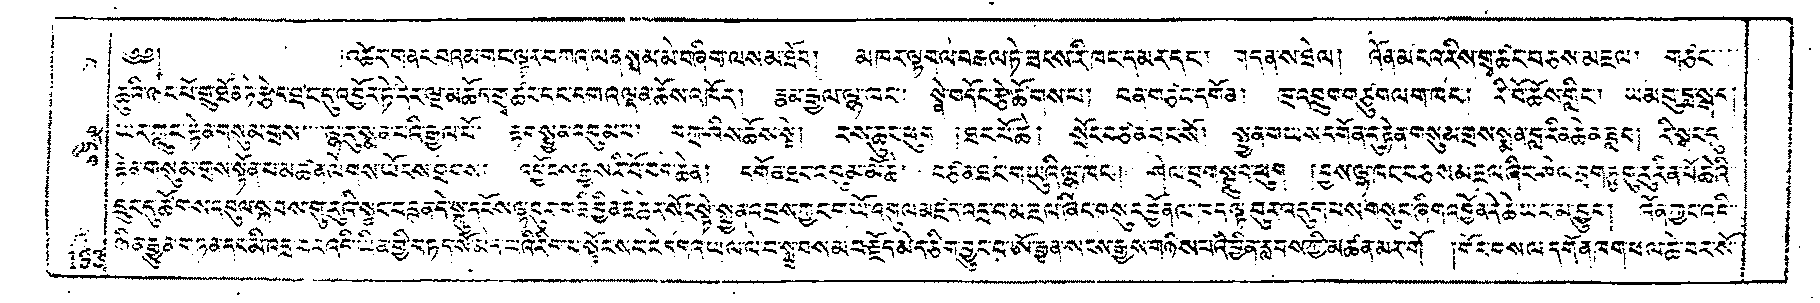༄༅། །འཚེར་གནང་བའམ་གང་ལྟར་བཀའ་ལན་སྤམ་མེ་བ་ཞིག་ལས་མ་ཐོབ། མཁར་ལྟག་ལ་བརྒལ་ཏེ་ཟངས་རི་ཁང་དམར་དང་། གདན་ས་ཐེལ། འོན་མངའ་རིས་གྲྭ་ཚང་བཅས་མཇལ། གཙང་
ཆུའི་ཉང་པོ་གྲུ་ཐོན་ཏེ་རྩེད་ཐང་དུ་འབྱོར་ཏེ་དེར་ལྔ་མཆོད་གྲྭ་ཚང་དང་དགའ་ལྡན་ཆོས་འཁོར། རྣམ་རྒྱལ་ལྷ་ཁང་། སྣེ་གདོང་རྩེ་ཚོགས་པ། བན་གཙང་དགོན། ཁྲ་འབྲུག་གཙུག་ལག་ཁང་། རི་བོ་ཆོས་གླིང་། ཡམ་བུ་བླ་སྒང་།
ཡར་ཀླུང་རྟེན་གསུམ་གྲས་ལྷ་རུ་སྨན་པའི་རྒྱལ་པོ། རྟག་སྤྱན་འབུམ་པ། བཀྲ་ཤིས་ཆོས་སྡེ། རས་ཆུང་ཕུག །ཐང་པོ་ཆེ། སྲོང་བཙན་བང་སོ། སྤྱན་གཡས་དགོན་དུ་རྟེན་གསུམ་གྲས་སྨན་བླ་རིན་ཆེན་ཟླ་བ། རི་སྒང་དུ་
རྟེན་གསུམ་གྲས་སྟོན་པ་མཚན་ལེགས་ཡོངས་གྲགས། འཕྱོངས་རྒྱས་རི་བོ་བདེ་ཆེན། དགོན་ཐང་འབུམ་མོ་ཆེ། བཙན་ཐང་གཡུའི་ལྷ་ཁང་། ཤེལ་བྲག་སྒྲུབ་ཕུག །བྱས་ལྷ་ཁང་བཅས་མཇལ་ཞིང་ཤེལ་བྲག་ཏུ་གུ་རུ་རིན་པོ་ཆེའི་
དྲུང་དུ་ཚོགས་འབུལ་སྐབས་གུ་རུའི་སྣང་བརྙན་དེ་སྐུ་དངོས་ལྟ་བུར་གཟི་བྱིན་ཇེ་ཆེར་སོང་སྟེ་སྤྱན་འབྲས་ཀྱང་གཡོ་འགུལ་མཛད་འདྲ་བ་མཇལ་ཞིང་གསུང་བྱོན་ལ་ཁད་ལྟ་བུར་འདུག་པས་གསུང་ཞིག་འབྱོན་རེ་ཆེ་ཡང་མ་བྱུང་། འོན་ཀྱང་འདི་
ཉིན་རྒྱུན་གཏན་དང་མི་འདྲ་བར་འདི་ཡིན་གྱི་གཏད་སོ་མེད་པའི་རིག་པ་སྟོང་སང་ངེ་དགའ་ཡལ་ལེ་བ་སྨྲ་བསམ་བརྗོད་མེད་ཅིག་བྱུང་བ་ཨོ་རྒྱན་སངས་རྒྱས་གཉིས་པའི་བྱིན་རླབས་ཀྱི་མཚན་མར་གོ །གོང་གསལ་དགོན་ཁག་ཕལ་ཆེ་བར་སོ་